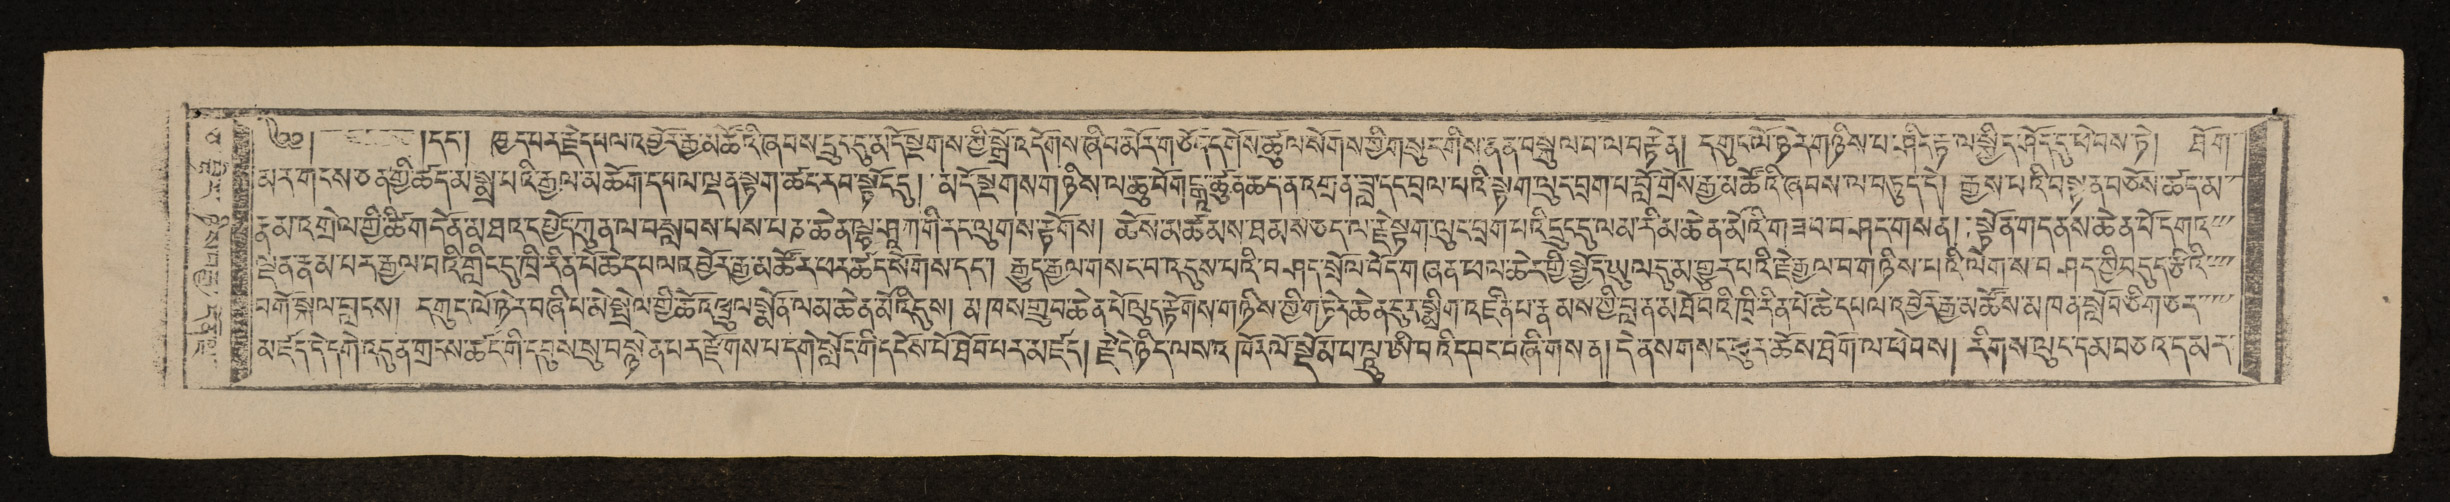༄༅། །དང༑ ཁྱད་པར་རྗེ་དཔལ་འབྱོར་རྒྱ་མཚོའི་ཞབས་དྲུང་དུ་མདོ་སྔགས་ཀྱི་སྒྲོ་འདོགས་ཞིབ་མར་གཅོད་དགོས་ཚུལ་སོགས་ཀྱི་གསུང་གིས་ནན་བསྐུལ་བ་ལ་བརྟེན། དགུང་ལོ་ཉེར་གཉིས་པ་ཤིང་རྟ་ལ་སྐྱིད་ཤོད་དུ་ཕེབས་ཏེ། ཐོག་
མར་གངས་ཅན་གྱི་ཚད་མ་སྨྲ་བའི་རྒྱལ་མཆོག་དཔལ་ལྡན་སྟག་ཚང་ར་བསྟོད་དུ། མདོ་སྔགས་གཉིས་ལ་ཆུ་བོ་གངྒཱ་ཚུན་ཆད་ན་འགྲན་ཟླ་དང་བྲལ་བའི་སྟག་ལུང་བྲག་པ་བློ་གྲོས་རྒྱ་མཚོའི་ཞབས་ལ་བཏུད་དེ། རྒྱས་པའི་བསྟན་བཅོས་ཚད་མ་
རྣམ་འགྲེལ་གྱི་ཚིག་དོན་མཐའ་དཔྱོད་ཀུན་ལ་བསླབས་པས་པཎ་ཆེན་ལྷ་ཤཱཀ་གི་རང་ལུགས་རྟོགས། ཆོས་མཚམས་ཐམས་ཅད་ལ་རྗེ་སྟག་ལུང་བྲག་པའི་དྲུང་དུ་ལམ་རིམ་ཆེན་མོའི་གཟབ་བཤད་གསན། སྟོན་གདན་ས་ཆེན་པོ་དགའ་
ལྡན་རྣམ་པར་རྒྱལ་བའི་གླིང་དུ་ཁྲི་རིན་པོ་ཆེ་དཔལ་འབྱོར་རྒྱ་མཚོར་ཕར་ཚད་སོགས་དང་། རྒྱུད་རྒྱལ་གསང་བ་འདུས་པའི་བཤད་སྲོལ་བོད་གཞན་ཕལ་ཆེར་གྱི་སྤྱོད་ཡུལ་དུ་མ་གྱུར་པའི་རྗེ་རྒྱལ་བ་གཉིས་པའི་ལེགས་བཤད་ཀྱི་བདུད་རྩིའི་
འགོ་སྐལ་བླངས། དགུང་ལོ་ཉེར་བཞི་པ་མེ་སྤྲེལ་གྱི་ཆོ་འཕྲུལ་སྨོན་ལམ་ཆེན་མོའི་དུས། མཁས་གྲུབ་ཆེན་པོ་ལུང་རྟོགས་གཉིས་ཀྱི་གཏེར་ཆེན་ངུར་སྨྲིག་འཛིན་པ་རྣམས་ཀྱི་བླ་ན་མཐོ་བའི་ཁྲི་རིན་པོ་ཆེ་དཔལ་འབྱོར་རྒྱ་མཚོས་མཁན་སློབ་ཅིག་?
མཛད་དེ་དགེ་འདུན་གྲངས་ཚང་གི་དབུས་སུ་བསྙེན་པར་རྫོགས་པ་དགེ་སློང་གི་དངོས་པོ་ཐོབ་པར་མཛད། རྗེ་དེ་ཉིད་ལས་འཁོར་ལོ་སྡོམ་པ་ལཱུ་ཨི་པའི་དབང་བཞི་གསན། དེ་ནས་གསང་ཕུར་ཆོས་ཐོག་ལ་ཕེབས། རིགས་ལུང་དམ་བཅའ་དམར་